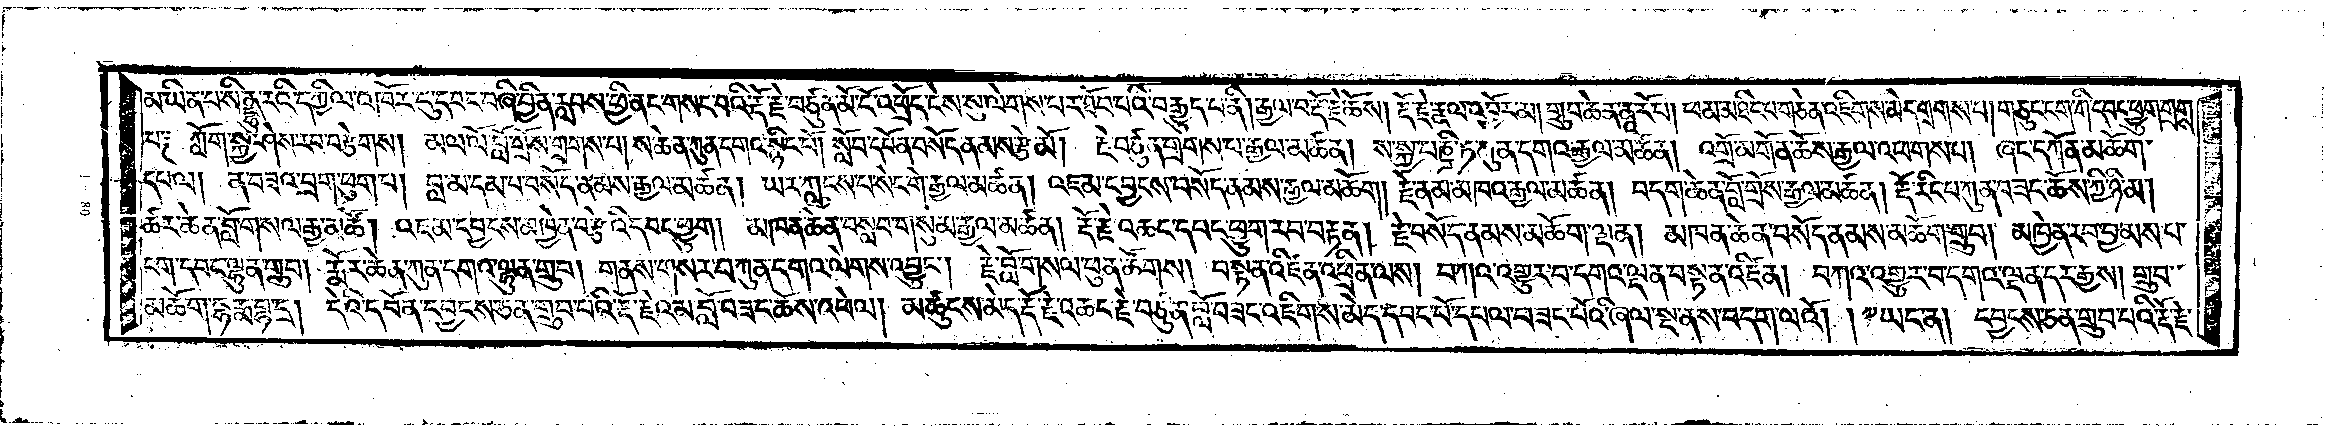མ་ཡིན་པ་སིནྡྷ་རའི་དཀྱིལ་འཁོར་དུ་དབང་བཞི་བྱིན་རླབས་ཕྱི་ནང་གསང་བའི་རྡོ་རྗེ་བཙུན་མོ་ངོ་འཕྲོད་ངེས་སུ་ལེགས་པར་ཐོབ་པའི་བརྒྱུད་པ་ནི། རྒྱལ་བ་རྡོ་རྗེ་ཆོས། རྡོ་རྗེ་རྣལ་འབྱོར་མ། གྲུབ་ཆེན་ནཱ་རོ་པ། ཕམ་མཐིང་བ་གཅེན་འཇིགས་མེད་གྲགས་པ། གཅུང་ངག་གི་དབང་ཕྱུག་གྲགས་
༈ གློག་སྐྱེ་ཤེས་རབ་བརྩེགས། མལ་ལོ་བློ་གྲོས་གྲགས་པ། ས་ཆེན་ཀུན་དགའ་སྙིང་པོ། སློབ་དཔོན་བསོད་ནམས་རྩེ་མོ། རྗེ་བཙུན་གྲགས་པ་རྒྱལ་མཚན། ས་སྐྱ་པཎྜི་ཏ་ཀུན་དགའ་རྒྱལ་མཚན། འགྲོ་མགོན་ཆོས་རྒྱལ་འཕགས་པ། ཞང་དཀོན་མཆོག་
དཔལ། ན་བཟའ་བྲག་ཕུག་པ། བླ་མ་དམ་པ་བསོད་ནམས་རྒྱལ་མཚན། ཡར་ཀླུངས་པ་སེང་གེ་རྒྱལ་མཚན། འཇམ་དབྱངས་བསོད་ནམས་རྒྱལ་མཆོག། རྗེ་ནམ་མཁའ་རྒྱལ་མཚན། བདག་ཆེན་བློ་གྲོས་རྒྱལ་མཚན། རྡོ་རིང་པ་ཀུན་བཟང་ཆོས་ཀྱི་ཉི་མ།
ཚར་ཆེན་བློ་གསལ་རྒྱ་མཚོ། འཇམ་དབྱངས་མཁྱེན་བརྩེའི་དབང་ཕྱུག། མཁན་ཆེན་བསླབ་གསུམ་རྒྱལ་མཚན། རྡོ་རྗེ་འཆང་དབང་ཕྱུག་རབ་བརྟན། རྗེ་བསོད་ནམས་མཆོག་ལྡན། མཁན་ཆེན་བསོད་ནམས་མཆོག་གྲུབ། མཁྱེན་རབ་བྱམས་པ་
ངག་དབང་ལྷུན་གྲུབ། རྨོར་ཆེན་ཀུན་དགའ་ལྷུན་གྲུབ། གནས་གསར་བ་ཀུན་དགའ་ལེགས་འབྱུང་། རྡོ་བློ་གསལ་ཕུན་ཚོགས། བསྟན་འཛིན་འཕྲིན་ལས། བཀའ་འགྱུར་བ་དགའ་ལྡན་བསྟན་འཛིན། བཀའ་འགྱུར་བ་དགའ་ལྡན་དར་རྒྱས། གྲུབ་
མཆོག་དྷརྨ་བྷ་དྲ། དེའི་དཔོན་དབྱངས་ཅན་གྲུབ་པའི་རྡོ་རྗེའམ་བློ་བཟང་ཆོས་འཕེལ། མཚུངས་མེད་རྡོ་རྗེ་འཆག་རྗེ་བཏུན་བློ་བཟང་འཇིགས་མེད་དབང་པོ་དཔལ་བཟང་པོའི་ཟལ་སྔ་ནས་བདག་ལའོ། །༧ཡང་ན། དབྱངས་ཅན་གྲུབ་པའི་རྡོ་རྗེ་